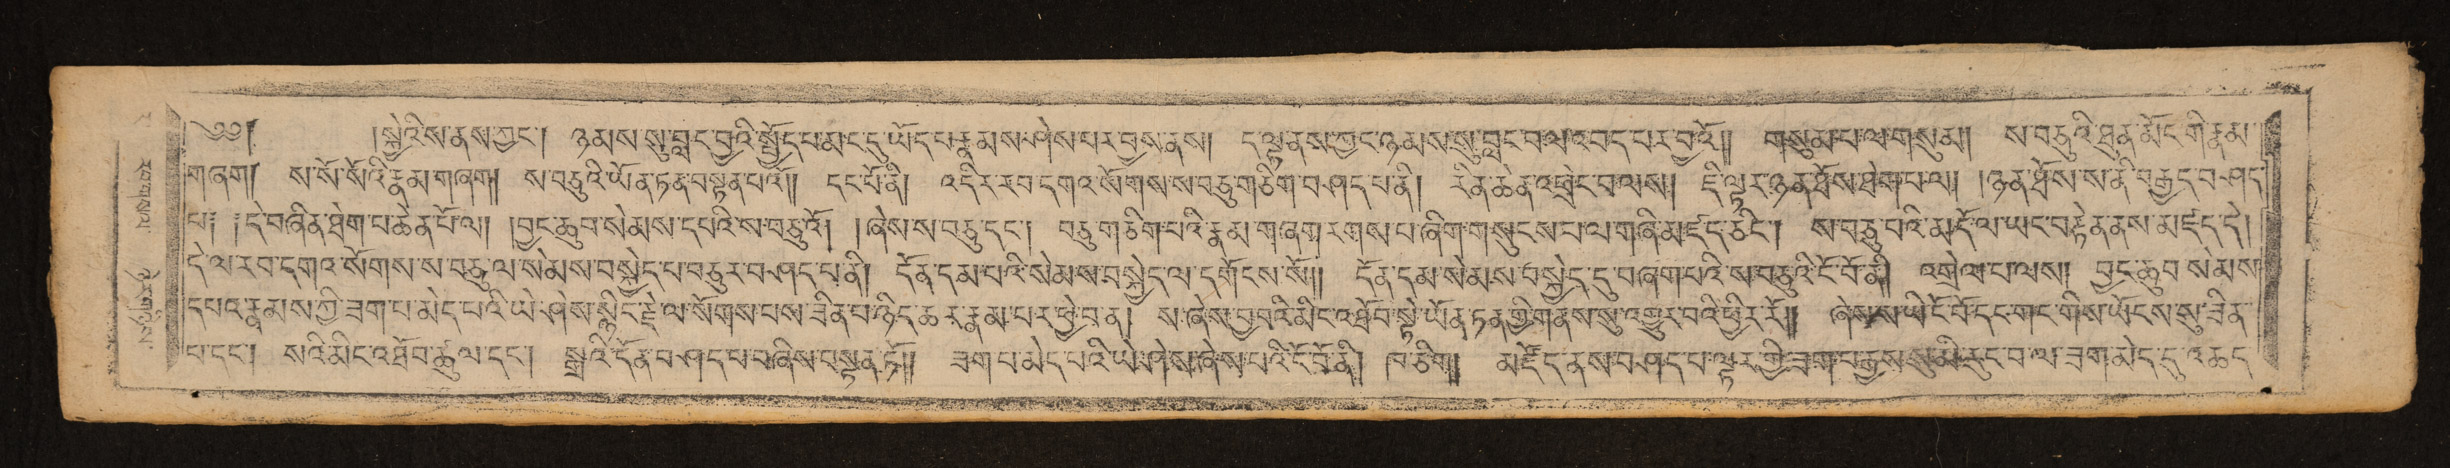༄༅། །སྐྱེའི་ས་ནས་ཀྱང་། ཉམས་སུ་བླང་བྱའི་སྤྱོད་པ་མང་དུ་ཡོད་པ་རྣམས་ཤེས་པར་བྱས་ནས། ད་ལྟ་ནས་ཀྱང་ཉམས་སུ་བླང་བ་ལ་འབད་པར་བྱའོ།། གསུམ་པ་ལ་གསུམ། ས་བཅུའི་ཐུན་མོང་གི་རྣམ་
གཞག། ས་སོ་སོའི་རྣམ་གཞག། ས་བཅུའི་ཡོན་ཏན་བསྟན་པའོ།། དང་པོ་ནི། འདིར་རབ་དགའ་སོགས་ས་བཅུ་གཅིག་བཤད་པ་ནི། རིན་ཆེན་འཕྲེང་བ་ལས། ཇི་ལྟར་ཉན་ཐོས་ཐེག་པ་ལ། །ཉན་ཐོས་ས་ནི་བརྒྱད་བཤད་
པ། །དེ་བཞིན་ཐེག་པ་ཆེན་པོ་ལ། །བྱང་ཆུབ་སེམས་དཔའི་ས་བཅུའོ། །ཞེས་ས་བཅུ་དང་། བཅུ་གཅིག་པའི་རྣམ་གཞག་རགས་པ་ཞིག་གསུངས་པ་ལ་གཞི་མཛད་ཅིང་། ས་བཅུ་པའི་མདོ་ལ་ཡང་བརྟེན་ནས་མཛད་དེ།
དེ་ལ་རབ་དགའ་སོགས་ས་བཅུ་ལ་སེམས་བསྐྱེད་པ་བཅུར་བཤད་པ་ནི། དོན་དམ་པའི་སེམས་བསྐྱེད་ལ་དགོངས་སོ།། དོན་དམ་སེམས་བསྐྱེད་དུ་བཞག་པའི་ས་བཅུའི་ངོ་བོ་ནི། འགྲེལ་པ་ལས། བྱང་ཆུབ་སེམས་
དཔའ་རྣམས་ཀྱི་ཟག་པ་མེད་པའི་ཡེ་ཤེས་སྙིང་རྗེ་ལ་སོགས་པས་ཟིན་པ་ཉིད་ཆར་རྣམ་པར་ཕྱེ་བ་ན། ས་ཞེས་བྱ་བའི་མིང་འཐོབ་སྟེ་ཡོན་ཏན་གྱི་གནས་སུ་འགྱུར་བའི་ཕྱིར་རོ།། ཞེས་ས་ཡི་ངོ་བོ་དང་གང་གིས་ཡོངས་སུ་ཟིན་
པ་དང་། སའི་མིང་འཐོབ་ཚུལ་དང་། སྒྲའི་དོན་བཤད་པ་བཞིས་བསྟན་ཏོ།། ཟག་པ་མེད་པའི་ཡེ་ཤེས་ཞེས་པའི་ངོ་བོ་ནི། ཁ་ཅིག་མཛོད་ནས་བཤད་པ་ལྟར་གྱི་ཟག་པ་རྒྱས་སུ་མི་རུང་བ་ལ་ཟག་མེད་དུ་འཆད་